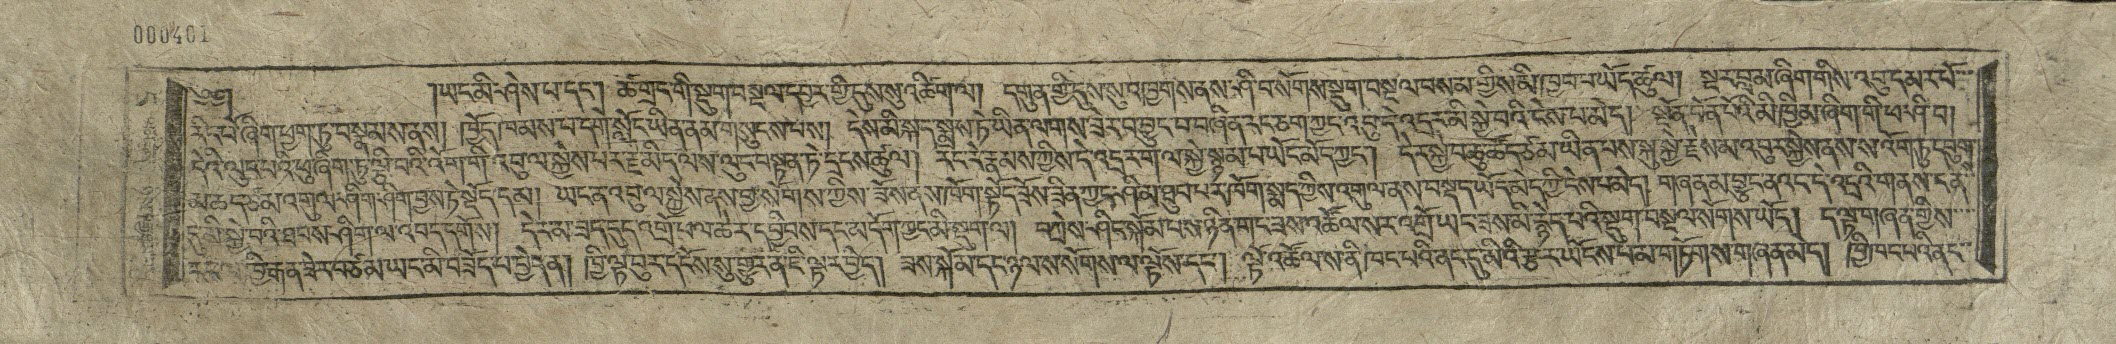༄༅། །ཡང་མི་ཤེས་པ་དང་། ཚ་གྲང་གི་སྡུག་བསྔལ་དབྱར་གྱི་དུས་སུ་འཚིག་ལ། དགུན་གྱི་དུས་སུ་འཁྱགས་ནས་ཤི་བ་སོགས་སྡུག་བསྔལ་བསམ་གྱིས་མི་ཁྱབ་པ་ཡོད་ཚུལ། སྔར་བླ་མ་ཞིག་གིས་འབུ་དམར་པོ་
རིང་པོ་ཞིག་ཕྱག་ཏུ་བསྣམས་ནས། ཁྱོད་ཁམས་པ་དགེ་སློང་ཡིན་ནམ་གསུངས་པས། དེས་མི་སྐད་སྨྲས་ཏེ་ཡིན་ལགས་ཟེར་བ་བྱུང་བ་བཞིན་རང་ཅག་ཀྱང་འབུ་དེ་འདྲར་མི་སྐྱེ་བའི་ངེས་པ་མེད། སྔོན་བོན་པོའི་མི་ཁྱིམ་ཞིག་གི་ཕ་ཤི་བ།
དེའི་ལུང་པའི་ཕུ་ཞིག་ཏུ་ལྕི་བའི་འོག་གི་འབུ་ལ་སྐྱེས་པར་རྗེ་མིད་ལས་ལུང་བསྟན་ཏེ་དྲངས་ཚུལ། རང་རེ་རྣམས་ཀྱིས་དེ་འདྲར་ག་ལ་སྐྱེ་སྙམ་པ་ཡོང་མོད་ཀྱང་། དེར་སྐྱེ་བ་ཆུ་ཚོད་ཙམ་ཡིན་པས་སྐུ་སྐྱེ་རྗེས་མ་འབུར་སྐྱེས་ནས་ས་འོག་ཏུ་དབུགས་
མ་ཆད་ཙམ་འགུལ་ཤིག་ཤིག་བྱས་ཏེ་སྡོད་དམ། ཡང་ན་འབུ་ལ་སྐྱེས་ནས་བྱ་སོགས་ཀྱིས་ཟོས་ནས་ཁོག་སྟོད་ཟོས་ཟིན་ཀྱང་ཤི་མ་ཐུབ་པར་ཁོག་སྨད་ཀྱིས་འགུལ་ནས་བསྡད་ཡོད་མེད་ཀྱི་ངེས་པ་མེད། གཞན་མ་བྱུང་ནའང་དེ་འདྲའི་གནས་ངན་
དུ་མི་སྐྱེ་བའི་ཐབས་ཤིག་ལ་འབད་དགོས། དེར་མ་ཟད་དུད་འགྲོ་ཕལ་ཆེར་དབྱིབས་དང་མདོག་ཀྱང་མི་སྡུག་ལ། བཀྲེས་ཤིང་སྐོམ་པས་ཉིན་གང་ཟས་འཚོལ་སར་འགྲོ་ཡང་ཟས་མི་རྙེད་པའི་སྡུག་བསྔལ་སོགས་ཡོད། ད་ལྟ་གཞན་གྱིས་
རང་ལ་ཁྱི་རྒན་ཟེར་བ་ཙམ་ཡང་མི་བཟོད་པ་བྱེད་ན། ཁྱི་ལྟ་བུར་དངོས་སུ་གྱུར་ན་ཇི་ལྟར་བྱེད། ཟས་སྐོམ་དང་ཉལ་ས་སོགས་ལ་ལྟོས་དང་། ལྟོ་འཚོལ་ས་ནི་ཁང་པའི་ནང་དུ་མིའི་རྩར་ཡོངས་པ་མ་གཏོགས་གཞན་མེད། ཁྱི་ཁང་པའི་ནང་